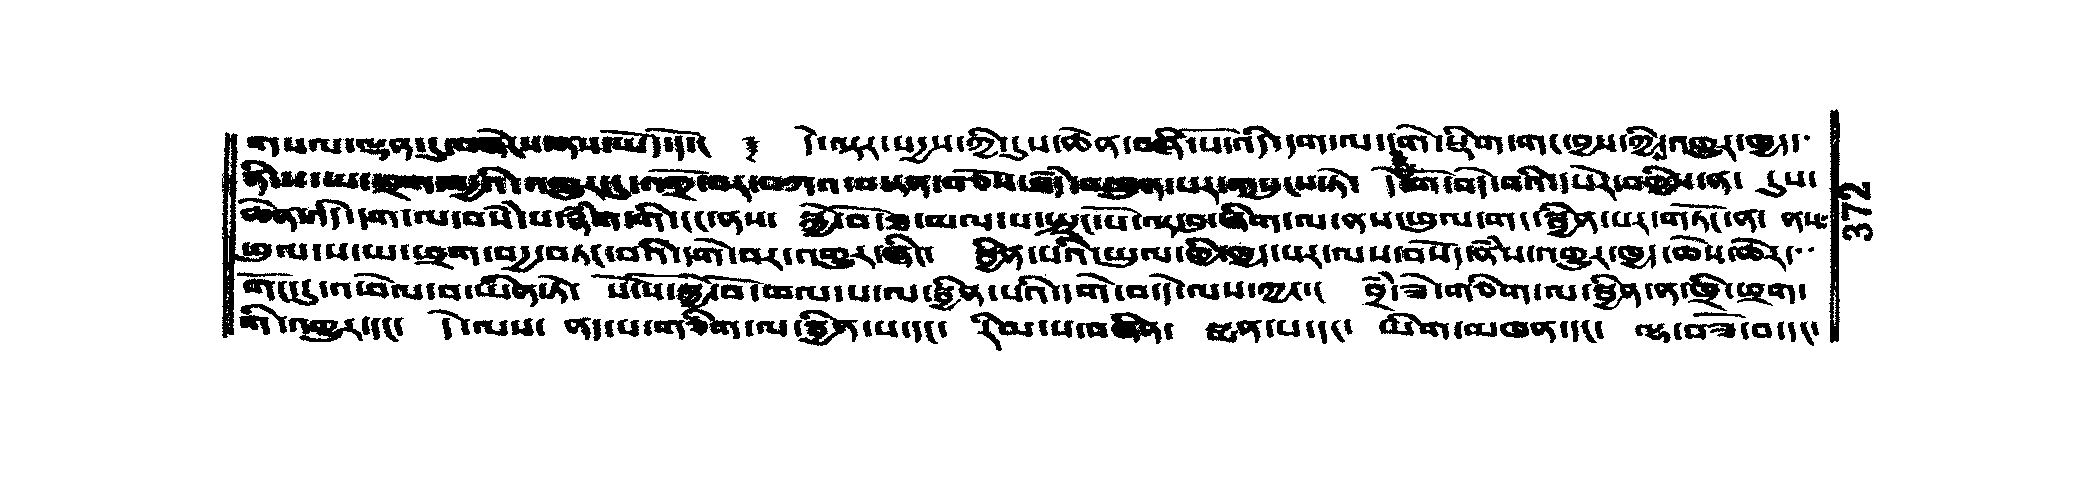གསལ་ལྡན་དུ་བཞེངས་ནས་ཡོད་དོ།། ༈ དེ་ལྟར་སངས་རྒྱས་ཀྱི་དུས་ཆེན་བཞི་པོ་འདི་དག་ལ་དགེ་སྡིག་གང་བྱས་ཀྱིས་འགྱུར་ཁྱད་
ནི་ས་ཡ་ཕྲག་བརྒྱའི་འགྱུར་དུ་འགྲོ་བར་བཀའ་བསྟན་བཅོས་ཐམས་ཅད་མཐུན་པར་གསུངས་ཏེ།དེ་གོ་བདེ་བའི་དཔེར་བགྱིས་ན། དུས་
ཆེན་འདི་དག་ལ་བསམ་པ་རྣམ་དག་གི་ངང་ནས། སྐྱེ་བོ་ཐ་མལ་པ་སྤྲང་པོ་ལྟ་བུ་ཞིག་ལ་ནས་ཕུལ་གང་སྦྱིན་པར་གཏོང་ན། ནས་
ཕུལ་ས་ཡ་ཕྲག་བརྒྱ་བཏང་བའི་དགེ་བར་འགྱུར་ཞིང་། སྦྱིན་པའི་ཡུལ་གྱི་ཁྱད་པར་ལས་བསོད་ནམས་འགྱུར་ཁྱད་ཆེས་ཆེར་
གོང་དུ་འཕེལ་བར་ཡིན་ཏེ། སོ་སོ་སྐྱེ་བོ་ཕལ་པ་ལ་སྦྱིན་པའི་དགེ་བ་དེ་ལས་ཀྱང་། བྲམ་ཟེ་གཅིག་ལ་སྦྱིན་ན་ཁྲི་ཕྲག་
གི་འགྱུར་དང་། དེ་ལས་ནད་པ་གཅིག་ལ་སྦྱིན་པ་དང་། རིམ་པ་བཞིན། སྨན་པ་དང་། ཡིག་མཁན་དང་། ལྷ་བཟོ་བ་དང་།